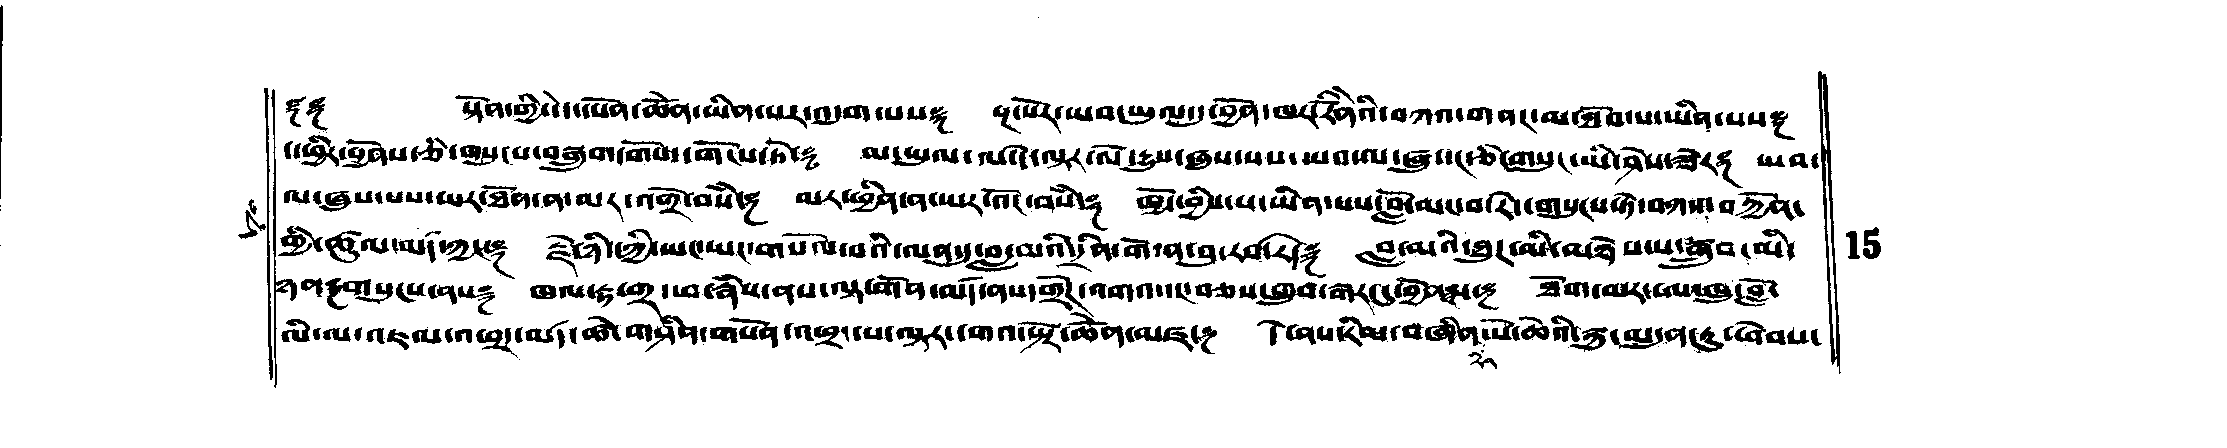སྟོན་གྱི་དེད་དཔོན་ཆེན་པོ་ཡིན་པར་འདུག་པས། སྔ་སོར་ཡབ་ཡུལ་དུ་བྱོན་ཁར་རིན་པོ་ཆེའི་བཀའ་གནང་མ་ཐོབ་པ་ཡིན་པས། 
ད་ཕྱིར་བྱོན་ནས་ཅི་གསུངས་བསྒྲུབ་དགོས་དགོངས་ཏེ། མ་ཡུམ་ལ་དེ་ལྟར་ལོ་རྒྱུས་ཞུས་པས་ཡབ་ལ་ཞུ་དང་ཅི་གསུང་མི་ཤེས་ཟེར། ཡབ་
ལ་ཞུས་པས་ཡར་ཐོན་ན་མར་འགྲོ་བསམ། མར་ཕྱིན་ན་ཡར་འོང་བསམ། ཁྱོད་བྱིས་པ་ཡིན་པས་བློ་མང་བ་རེད་གསུངས་ཏེ་བཀའ་བཀྱོན་
གྱི་ཚུལ་མཛད་ཀྱང་། རྗེ་ཉིད་ཀྱི་ཡང་ཡང་གསོལ་བའི་ལན་དུ་བླ་མའི་དྲིན་གོ་ན་བུ་རབ་རེད། བླ་མའི་ཐུགས་མི་མཉེས་པ་སྒྲུབ་མི་
ཉན། གསུངས་ནས། ཁལ་རྟ་གྲྭ་པ་རྣམས་ནས་ལྟ་གོན་མཛད་ནས་གྲོགས་འགའ་དང་བཅས་གྲུབ་སྒར་དུ་བྱོན། ཐོག་མར་ཨ་ཁུ་བློ་
ལི་ལ་མཇལ་འཕྲད་མཛད་ཚེ་གཤིན་གསོན་འཕྲད་པ་ལྟར་དགའ་སྤྲོ་ཆེན་པོ་མཛད། དེ་ནས་རིམ་བཞིན་རིན་པོ་ཆེའི་སྐུ་མདུན་དུ་ཕེབས་